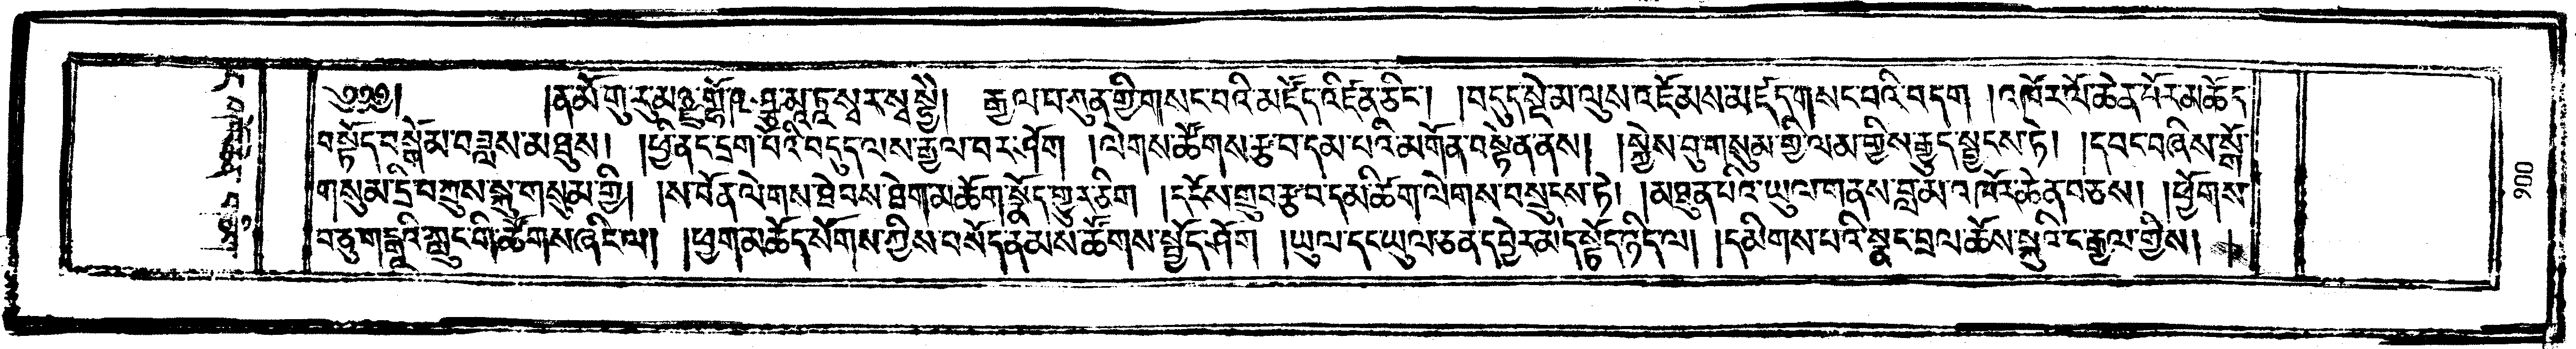༄༅༅། །ན་མོ་གུ་རུ་མཉྫུ་གྷོ་ཥ་ཤྩ་མཱ་ཏཱ་སྭར་སྭ་སྟྱཻ། རྒྱལ་བ་ཀུན་གྱི་གསང་བའི་མཛོད་འཛིན་ཅིང་། །བདུད་སྔེ་མ་ལུས་འཇོམས་མཛད་གསང་བའི་བདག །འཁོར་ལོ་ཆེན་པོར་མཆོད་
བསྟོད་བསྒོམ་བཟླས་མཐུས། །ཕྱི་ནང་དྲག་པོའི་བདུད་ལས་རྒྱལ་བར་ཤོག །ལེགས་ཚོགས་རྩ་བ་དམ་པའི་མགོན་བསྟེན་ནས། །སྐྱེས་བུ་གསུམ་གྱི་ལམ་གྱིས་རྒྱུད་སྦྱངས་ཏེ། །དབང་བཞིས་སྒོ་
གསུམ་དྲི་བཀྲུས་སྐུ་གསུམ་གྱི། །ས་བོན་ལེགས་ཐེབས་ཐེག་མཆོག་སྣོད་གྱུར་ཅིག །དངོས་གྲུབ་རྩ་བ་དམ་ཚིག་ལེགས་བསྲུངས་ཏེ། །མཐུན་པའི་ཡུལ་གནས་བླ་མ་འཁོར་ཆེན་བཅས། །ཕྱོགས་
བཅུ་གངྒཱའི་ཀླུང་གི་ཚོགས་ཞིང་ལ། །ཕྱག་མཆོད་སོགས་ཀྱིས་བསོད་ནམས་ཚོགས་སྦྱོད་ཤོག །ཡུལ་དང་ཡུལ་ཅན་དབྱེར་མེད་སྟོང་ཉིད་ལ། །དམིགས་པའི་སྣང་བྲལ་ཆོས་སྐུའི་བརྒྱལ་གྱིས། །